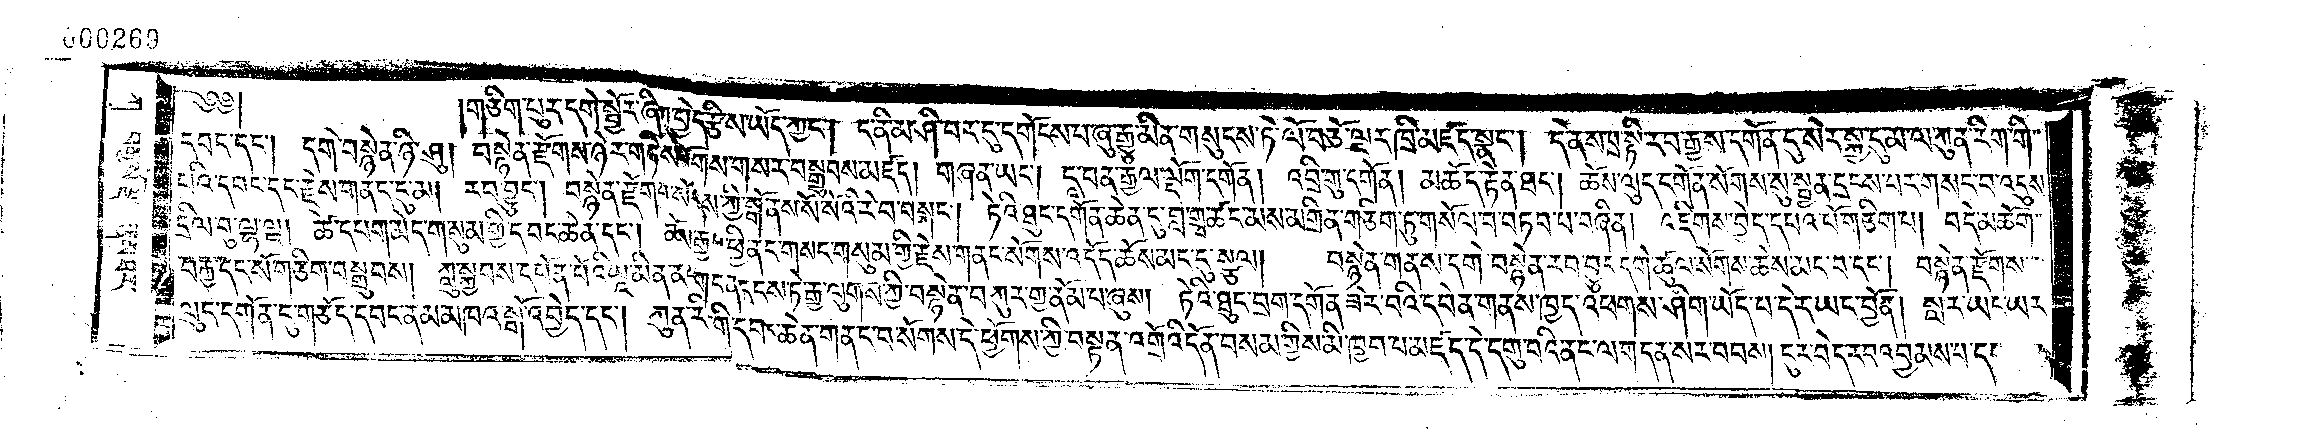༄༅། །གཅིག་པུར་དགེ་སྦྱོར་ཞིག་བྱེད་རྩིས་ཡོད་ཀྱང་། ད་ནི་མ་ཤི་བར་དུ་དགོངས་པ་ཞུ་རྒྱུ་མིན་གསུངས་ཏེ་ལོ་བཅོ་ལྔར་ཁྲི་མཛད་སྣང་། དེ་ནས་པྲ་སྟི་རབ་རྒྱས་དགོན་དུ་སེར་སྐྱ་དུ་མ་ལ་ཀུན་རིག་གི་
དབང་དང་། དགེ་བསྙེན་ཉི་ཤུ། བསྙེན་རྫོགས་ཉེར་གཉིས་སོགས་གསར་བསྒྲུབས་མཛད། གཞན་ཡང་། དཱ་བ་ན་རྒྱལ་ལྡོག་དགོན། འབྲི་གུ་དགོན། མཆོད་རྟེན་ཐང་། ཆོས་ལུང་དགོན་སོགས་སུ་སྤྱན་དྲངས་པར་གསང་བ་འདུས་
པའི་དབང་དང་རྗེས་གནང་དུ་མ། རབ་བྱུང་། བསྙེན་རྫོགས་སོགས་ཀྱི་སྒོ་ནས་སོ་སོའི་རེ་བ་བསྐང་། ཏེའི་ཐུང་དགོན་ཆེན་དུ་བླ་གྲྭ་ཚང་མས་མགྲིན་གཅིག་ཏུ་གསོལ་བ་བཏབ་བ་བཞིན། འཇིགས་བྱེད་དཔའ་པོ་གཅིག་པ། བདེ་མཆོག་
དྲིལ་བུ་ལྷ་ལྔ། ཚེ་དཔག་མེད་གསུམ་གྱི་དབང་ཆེན་དང་། ཆོས་རྒྱལ་ཕྱི་ནང་གསང་གསུམ་གྱི་རྗེས་གནང་སོགས་འདོད་ཆོས་མང་དུ་སྩལ། བསྙེན་གནས་དགེ་བསྙེན་རབ་བྱུང་དགེ་ཚུལ་སོགས་ཆེས་མང་བ་དང་། བསྙེན་རྫོགས་
བརྒྱ་དང་སོ་གཅིག་བསྒྲུབས། ཀླུ་སྐྱབས་དཔོན་པོའི་ཡཱ་མིན་ནས་གདན་དྲངས་ཏེ་རྒྱ་ལུགས་ཀྱི་བསྙེན་བཀུར་གྱ་ནོམ་པ་ཞུས། ཏེའི་ཐུང་བྲག་དགོན་ཟེར་བའི་དབེན་གནས་ཁྱད་འཕགས་ཤིག་ཡོད་པ་དེར་ཡང་བྱོན། སླར་ཡང་ཡར་
ལུང་དགོན་དུ་གཅོད་དབང་ནམ་མཁའ་སྒོ་འབྱེད་དང་། ཀུན་རིག་གི་དབང་ཆེན་གནང་བ་སོགས་དེ་ཕྱོགས་ཀྱི་བསྟན་འགྲོའི་དོན་བསམ་གྱིས་མི་ཁྱབ་པ་མཛད་དེ་དགུ་པའི་ནང་ལ་གདན་སར་བབས། དུར་བདེ་རབ་འབྱམས་པ་དཔལ་